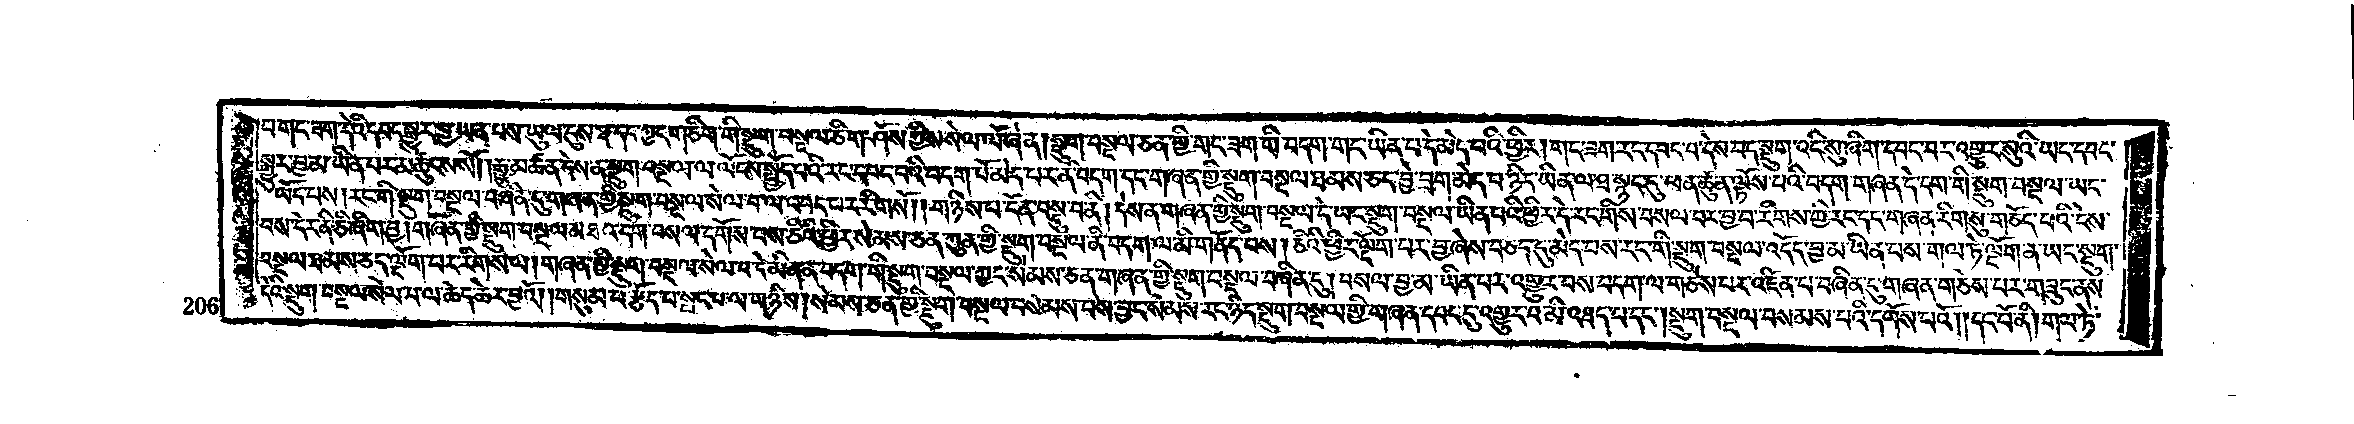པ་གང་ཟག་དེའི་དབང་སྒྱུར་བྱ་ཡན་པས་ཡུལ་དུས་ཐ་དད་ཀྱང་གཅིག་གི་སྡུག་བསྔལ་ཅིག་ཤོས་ཀྱིས་སེལ་ལོ་ཞེ་ན། སྡུག་བསྔལ་ཅན་གྱི་གང་ཟག་གི་བདག་གང་ཡིན་པ་དེ་མེད་པའི་ཕྱིར། གང་ཟག་རང་དབང་བ་དེས་བདེ་སྡུག་འདི་སུ་ཞིག་དབང་བར་འགྱུར་སུའི་ཡང་དབང་
སྒྱུར་བྱ་མ་ཡིན་པར་མཚུངས་སོ། །རྒྱུ་མཚན་དེས་ན་སྡུག་བསྔལ་ལ་ལོངས་སྤྱོད་པའི་རང་དབང་བའི་བདག་པོ་མེད་པར་ནི་བདག་དང་གཞན་གྱིས་སྡུག་བསྔལ་ཐམས་ཅད་བྱེ་བྲག་མེད་པ་ཉིད་ཡིན་ལ་ཐ་སྙད་དུ་ཕན་ཚུན་སྟོས་པའི་བདག་གཞན་དེ་དག་གི་སྡུག་བསྔལ་ཡང་
ཡོད་པས། རང་གི་སྡུག་བསྔལ་བཞིན་དུ་གཞན་གྱིས་སྡུག་བསྔལ་སེལ་བ་ལ་འབད་པར་རིགས་སོ། །གཉིས་པ་དོན་བསྡུ་བ་ནི། དེས་ན་གཞན་གྱིས་སྡུག་བསྔལ་དེ་ཡང་སྡུག་བསྔལ་ཡིན་པའི་ཕྱིར་དེ་རང་གིས་བསལ་བར་བྱ་བ་རིགས་ཀྱི་རང་དང་གཞན་རིགས་སུ་གཅོད་པའི་ངེས་
པས་དེར་ནི་ཅི་ཞིག་བྱ། གཞོན་གྱི་སྡུག་བསྔལ་མཐའ་དག་བསལ་དགོས་པས་ཅིའི་ཕྱིར་སེམས་ཅན་ཀུན་གྱི་སྡུག་བསྔལ་ནི་བདག་ལ་མི་གནོད་པས། ཅིའི་ཕྱིར་ལྡོག་པར་བྱ་ཞེས་བཅད་དུ་མེད་པས་རང་གི་སྡུག་བསྔལ་འདོད་བྱ་མ་ཡིན་པས་གལ་ཏེ་ལྡོག་ན་ཡང་སྡུག་
བསྔལ་ཐམས་ཅད་ལྡོག་པར་རིགས་ལ། གཞན་གྱི་སྡུག་བསྔལ་སེལ་བ་དེ་མིན་ན་བདག་གི་སྡུག་བསྔལ་ཀྱང་སེམས་ཅན་གཞན་གྱི་སྡུག་བསྔལ་བཞིན་དུ། བསལ་བྱ་མ་ཡིན་པར་འགྱུར་བས་བདག་ལ་གཅེས་པར་འཛིན་པ་བཞིན་དུ་གཞན་གཅེས་པར་གཟུང་ནས་
དེའི་སྡུག་བསྔལ་སེལ་བ་ལ་ཆེད་ཆེར་བྱའོ། །གསུམ་པ་རྩོད་པ་སྤང་བ་ལ་གཉིས། སེམས་ཅན་གྱི་སྡུག་བསྔལ་བསམས་པས་བྱང་སེམས་རང་ཉིད་སྡུག་བསྔལ་གྱི་གཞན་དབང་དུ་འགྱུར་བ་མི་འཐད་པ་དང་། སྡུག་བསྔལ་བསམས་པའི་དགོས་པའོ། །དང་པོ་ནི། གལ་ཏེ་